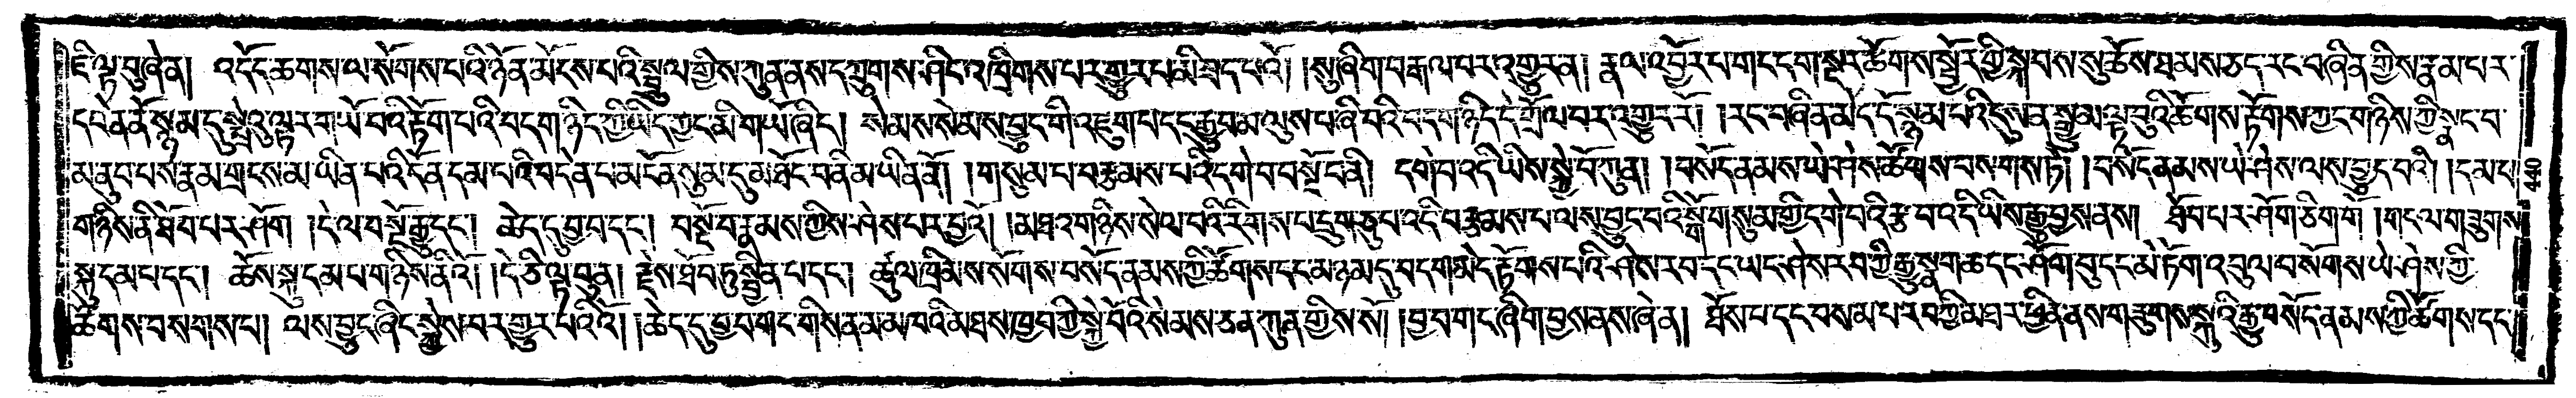ཇི་ལྟ་བུ་ཞེ་ན། འདོད་ཆགས་ལ་སོགས་པའི་ཉོན་མོངས་པའི་སྤྲུལ་གྱིས་ཀུན་ནས་དཀྲུགས་ཤིང་འཁྲིགས་པར་གྱུར་པ་མི་ཟད་པའོ། །སུ་ཞིག་བརྒལ་བར་འགྱུར་ན། རྣལ་འབྱོར་པ་གང་དག་སྔར་ཚོགས་སྦྱོར་གྱི་སྐབས་སུ་ཆོས་ཐམས་ཅད་རང་བཞིན་གྱིས་རྣམ་པར་
དབེན་ནོ་སྙམ་དུ་སྤྲེའུ་ལྟར་གཡོ་བའི་རྟོག་པའི་བདག་ཉིད་ཀྱི་ཡིད་ཀྱང་མི་གཡོ་ཞིང་། སེམས་སེམས་བྱུང་གི་འཇུག་པ་དང་རྒྱུ་བ་མ་ལུས་པ་ཞི་བའི་བདག་ཉིད་དེ་གྲོལ་བར་འགྱུར་རོ། །རང་བཞིན་མེད་དོ་སྙམ་པའི་དུས་ན་སྒྱུ་མ་ལྟ་བུའི་ཚོགས་?་རྟོགས་ཀྱང་གཉིས་ཀྱི་སྣང་བ་
མ་ནུབ་པས་རྣམ་གྲངས་མ་ཡིན་པའི་དོན་དམ་པའི་བདེན་པ་མངོན་སུམ་དུ་མཐོང་བ་ནི་མ་ཡིན་ནོ། །གསུམ་པ་བརྩམས་པའི་དགེ་བ་བསྔོ་བ་ནི། དགེ་བ་འདི་ཡིས་སྐྱེ་བོ་ཀུན། །བསོད་ནམས་ཡེ་ཤེས་ཚོགས་བསགས་ཏེ། །བསོད་ནམས་ཡེ་ཤེས་ལས་བྱུང་བའི། །དམ་པ་
གཉིས་ནི་ཐོབ་པར་ཤོག །དེ་ལ་བསྔོ་རྒྱུ་དང་། ཆེད་དུ་བྱ་བ་དང་། བསྔོ་བ་རྣམས་ཀྱིས་ཤེས་པར་བྱའོ། །མཐའ་གཉིས་སེལ་བའི་རིགས་པ་དྲུག་ཅུ་པ་འདི་བརྩམས་པ་ལས་བྱུང་བའི་སྒོ་གསུམ་གྱི་དགེ་བའི་རྩ་བ་འདི་ཡིས་རྒྱུ་བྱས་ནས། ཐོབ་པར་ཤོག་ཅིག་གོ །གང་ལ་གཟུགས་
སྐུ་དམ་པ་དང་། ཆོས་སྐུ་དམ་པ་གཉིས་ནིའོ། །དེ་ཅི་ལྟ་བུ་ན། རྗེས་ཐོབ་ཏུ་སྦྱིན་པ་དང་། ཚུལ་ཁྲིམས་སོགས་བསོད་ནམས་ཀྱི་ཚོགས་དང་མཉམ་དུ་བདག་མེད་རྟོགས་པའི་ཤེས་རབ་དང་ཡང་ཤེས་རབ་ཀྱི་རྒྱུ་སྣག་ཆ་དང་ཤོག་བུ་དང་མེ་ཏོག་འབུལ་བ་སོགས་ཡེ་ཤེས་ཀྱི་
ཚོགས་བསགས་པ། ལས་བྱུང་ཞིང་སྐྱེས་བར་གྱུར་པའིའོ། །ཆེད་དུ་བྱ་བ་གང་གིས་ནམ་མཁའི་མཐས་ཁྱབ་ཀྱི་སྐྱེ་བོའི་སེམས་ཅན་ཀུན་གྱིས་སོ། །བྱ་བ་གང་ཞིག་བྱས་ནས་ཞེ་ན། ཐོས་པ་དང་བསམ་པ་རབ་ཀྱི་མཐར་ཕྱིན་ནས་གཟུགས་སྐུའི་རྒྱུ་བསོད་ནམས་ཀྱི་ཚོགས་དང་